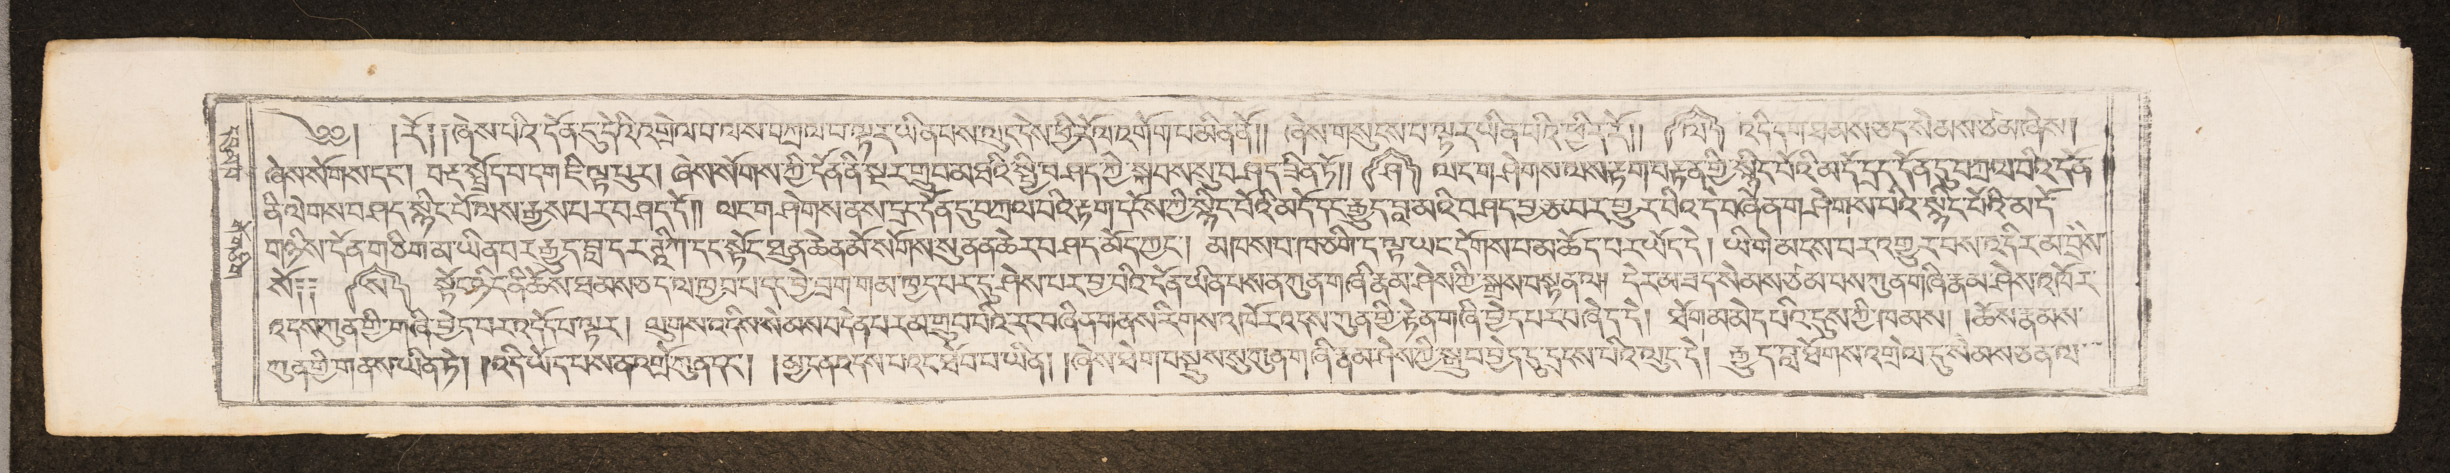༄༅། །རོ༑ ༑ཞེས་པའི་དོན་དུ་དེའི་འགྲེལ་བ་ལས་བཀྲལ་བ་ལྟར་ཡིན་པས་ལུང་དེས་ཕྱི་རོལ་འགོག་པ་མིན་ནོ། །ཞེས་གསུངས་པ་ལྟར་ཡིན་པའི་ཕྱིར་རོ།། ༼༽ལ༼༽ འདི་དག་ཐམས་ཅད་སེམས་ཙམ་ཞེས།
ཞེས་སོགས་དང་། བརྡ་སྤྲོད་པ་དག་ཇི་ལྟ་པུར། ཞེས་སོགས་ཀྱི་དོན་ནི་སྔར་གྲུབ་མཐའི་སྤྱི་བཤད་ཀྱི་སྐབས་སུ་བཤད་ཟིན་ཏོ།། ༼༽ཤ༼༽ ལང་གཤེགས་ལས་རྟག་བརྟན་གྱི་སྙིང་པོའི་མདོ་དྲང་དོན་དུ་བཀྲལ་བའི་དོན་
ནི་ལེགས་བཤད་སྙིང་པོ་ལས་རྒྱས་པར་བཤད་དོ། །ལང་གཤེགས་ནས་དྲང་དོན་དུ་བཀྲལ་བའི་རྟག་དངོས་ཀྱི་སྙིང་པོའི་མདོ་དང་རྒྱུད་བླ་མའི་བཤད་བྱ་རྩ་བར་གྱུར་བའི་དེ་བཞིན་གཤེགས་པའི་སྙིང་པོའི་མདོ་
གཉིས་དོན་གཅིག་མ་ཡིན་པར་རྒྱུད་བླ་དར་ཊའི་ཀ་དང་སྟོང་ཐུན་ཆེན་མོ་སོགས་སུ་ནན་ཆེར་བཤད་མོད་ཀྱང་། མཁས་པ་ཁ་ཅིག་ད་ལྟ་ཡང་དོགས་པ་མ་ཆོད་པར་ཡོད་དེ། ཡི་གེ་མངས་པར་འགྱུར་བས་འདིར་མ་བྲིས་
སོ༑ ༑༼༽ས༼༽ སྟོང་ཉིད་ནི་ཆོས་ཐམས་ཅད་ལ་ཁྱབ་པ་དང་བྱེ་བྲག་གམ་ཁྱད་པར་དུ་ཤེ་པར་བྱ་བའི་དོན་ཡིན་པས་ན་ཀུན་གཞི་རྣམས་ཤེས་ཀྱི་སྒྲས་བཏགས་ལ། དེར་མ་ཟད་སེམས་ཙམ་པས་ཀུན་གཞི་རྣམ་ཤེས་སྒྲ་བསྟན་ལ། དེར་མ་ཟད་སེམས་ཙམ་པས་ཀུན་གཞི་རྣམས་ཤེ་འཁོར་
འདས་ཀུན་གྱི་གཞི་བྱེད་པར་འདོད་པ་ལྟར། ལུགས་འདིས་སེམས་བདེན་པར་མ་གྲུབ་པའི་རང་བཞིན་གནས་རིགས་འཁོར་འདས་ཀུན་གྱི་རྟེན་གཞི་བྱེད་པར་བཞེད་དེ། ཐོག་མ་མེད་པའི་དུས་ཀྱི་ཁམས། །ཆོས་རྣམས་
ཀུན་གྱི་གནས་ཡིན་ཏེ། །འདི་ཡོད་པས་ན་འགྲོ་ཀུན་དང་། །མྱ་ངན་འདས་པའང་ཐོབ་པ་ཡིན། །ཞེས་ཐེག་བསྡུས་སུ་ཀུན་གཞི་རྣམ་ཤེས་ཀྱི་སྒྲུབ་བྱེད་དུ་དྲངས་པའི་ལུང་དེ། རྒྱུད་བླ་ཐོགས་འགྲེལ་དུ་སེམས་ཅན་ལ་